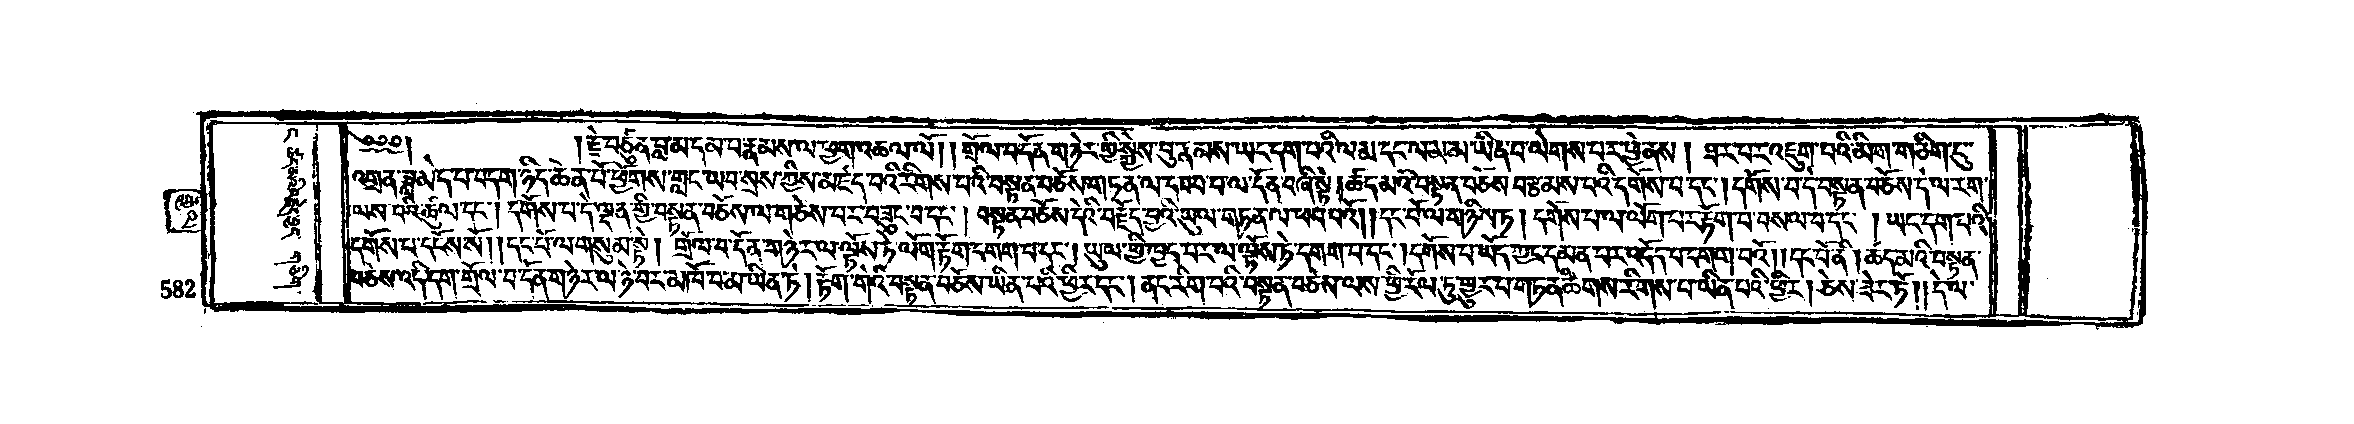༄༅༅། །རྗེ་བཙུན་བླ་མ་དམ་པ་རྣམས་ལ་ཕྱག་འཚལ་ལོ། །གྲོལ་བ་དོན་གཉེར་གྱི་སྐྱེས་བུ་རྣམས་ཡང་དག་པའི་ལམ་དང་ལམ་མ་ཡིན་པ་ལེགས་པར་ཕྱེ་ནས། ཐར་པར་འཇུག་པའི་མིག་གཅིག་དུ་
འགྲན་ཟླ་མེད་པ་བདག་ཉིད་ཆེན་པོ་ཕྱོགས་གླང་ཡབ་སྲས་ཀྱིས་མཛད་པའི་རིགས་པའི་བསྟན་ཆོས་གཏན་ལ་དབབ་པ་ལ་དོན་བཞི་སྟེ། ཚད་མའི་བསྟན་བཅོས་བརྩམས་པའི་དགོས་པ་དང་། དགོས་པ་དེ་བསྟན་བཅོས་དེ་ལ་རག་
ལས་པའི་ཚུལ་དང་། དགོས་པ་དེ་ལྡན་གྱི་བསྟན་བཅོས་ལ་གཅེས་པར་བཟུང་བ་དང་། བསྟན་བཅོས་དེའི་བརྗོད་བྱའི་ཡུལ་གཏན་ལ་ཕབ་པའོ། །དང་པོ་ལ་གཉིས་ཏེ། དགོས་པ་ལ་ལོག་པར་རྟོག་པ་བསལ་བ་དང་། ཡང་དག་པའི་
དགོས་པ་དངོས་སོ། །དང་པོ་ལ་གསུམ་སྟེ། གྲོལ་བ་དོན་གཉེར་ལ་ལྟོས་ཏེ་ལོག་རྟོག་དགག་པ་དང་། ཡུལ་གྱི་ཁྱད་པར་ལ་ལྟོས་ཏེ་དགག་པ་དང་། དགོས་པ་ཡོད་ཀྱང་དམན་པར་འདོད་པ་དགག་པའོ། །དང་པོ་ནི། ཚད་མའི་བསྟན་
བཅས་འདི་དག་གྲོལ་བ་དོན་གཉེར་ལ་ཉེ་བར་མཁོ་བ་མ་ཡིན་ཏེ། རྟོག་གེའི་བསྟན་བཅོས་ཡིན་པའི་ཕྱིར་དང་། ནང་རིག་པའི་བསྟན་བཅས་ལས་ཕྱི་རོལ་ཏུ་གྱུར་པ་གཏན་ཚིགས་རིགས་པ་ཡིན་པའི་ཕྱིར། ཅེས་ཟེར་ཏོ། །དེ་ལ་